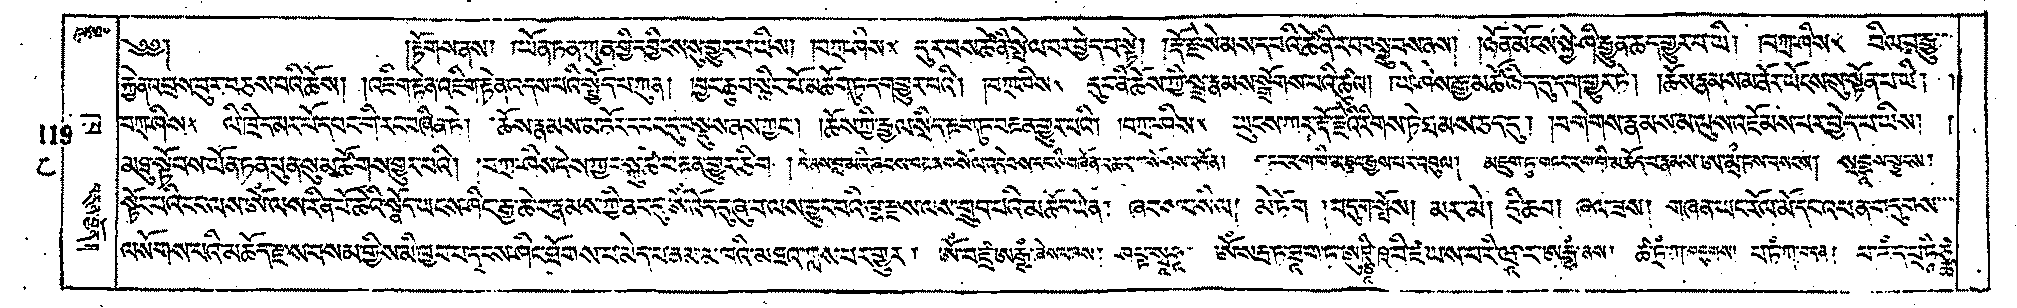༄༅། །རྟོགས་ནས། །ཡོན་ཏན་ཀུན་གྱི་དབྱིངས་སུ་གྱུར་པ་ཡིས། །བཀྲ་ཤིས་྾་དུར་བས་ཚེ་ནི་སྤེལ་བར་བྱེད་པ་སྟེ། །རྡོ་རྗེ་སེམས་དཔའི་ཚེ་ནི་རབ་བསྒྲུབས་ནས། །ཉོན་མོངས་སྐྱེ་ཤི་རྒྱུན་ཆད་གྱུར་པ་ཡི། །བཀྲ་ཤིས་྾་བིལ་བ་རྒྱུ་་་
རྐྱེན་འབྲས་བུར་བཅས་པའི་ཆོས། །འཇིག་རྟེན་འཇིག་རྟེན་འདས་པའི་སྤྱོད་པ་ཀུན། །བྱང་ཆུབ་སྙིང་པོ་མཆོག་ཏུ་དག་གྱུར་པའི། །བཀྲ་ཤིས་྾་དུང་ནི་ཆོས་ཀྱི་སྒྲ་རྣམས་སྒྲོགས་པའི་ཚུལ། །ཡེ་ཤེས་རྒྱ་མཚོ་ཉིད་དུ་དག་གྱུར་ཏེ། །ཆོས་རྣམས་མ་ནོར་ཡོངས་སུ་སྟོན་པ་ཡི། །
བཀྲ་ཤིས་྾་ལི་ཁྲི་དམར་པོ་དབང་གི་རང་བཞིན་ཏེ། །ཆོས་རྣམས་མ་ནོར་དབང་དུ་བསྡུས་ནས་ཀྱང་། །ཆོས་ཀྱི་རྒྱལ་སྲིད་རྟག་ཏུ་བརྟན་གྱུར་པའི། །བཀྲ་ཤིས་྾་ཡུངས་ཀར་རྡོ་རྗེའི་རིགས་ཏེ་ཐམས་ཅད་དུ། །བགེགས་རྣམས་མ་ལུས་འཇོམས་པར་བྱེད་པ་ཡིས། །
མཐུ་སྟོབས་ཡོན་ཏན་ཕུན་སུམ་ཚོགས་གྱུར་པའི། །བཀྲ་ཤིས་དེས་ཀྱང་སྐུ་ཚེ་བརྟན་གྱུར་ཅིག་།དེ་ནས་བླ་མའི་ཞབས་བརྟན་གསོལ་འདེབས་དང་ཉི་གཞོན་འཆར་ཀ་སོགས་འདོན། །གཏང་རག་གི་མཎྜལ་རྒྱས་པར་འབུལ། མཇུག་ཏུ་གཏང་རག་གི་མཆོད་པ་རྣམས་ཨ་མྲྀ་ཏས་བསངས། སྭབྷཱས་སྦྱངས།
སྟོང་པའི་ངང་ལས་ཨོཾ་ལས་རིན་པོ་ཆེའི་སྣོད་ཡངས་ཤིང་རྒྱ་ཆེ་བ་རྣམས་ཀྱི་ནང་དུ་ཨོཾ་འོད་དུ་ཞུ་བ་ལས་བྱུང་བའི་ལྷ་རྫས་ལས་གྲུབ་པའི་མཆོད་ཡོན། ཞབས་བསིལ། མེ་ཏོག །བདུག་སྤོས། མར་མེ། དྲི་ཆབ། ཞལ་ཟས། གཞན་ཡང་རོལ་མོ་དང་འཕན་གདུགས་་་
ལ་སོགས་པའི་མཆོད་རྫས་བསམ་གྱིས་མི་ཁྱབ་པ་དྭངས་ཤིང་ཐོགས་པ་མེད་པ་ནམ་མཁའི་མཐའ་ཀླས་པར་གྱུར། ཨོཾ་བཛྲ་ཨརྒྷཾ་ཞེས་པ་ཉས།  ཤཔྟ་སྭཱཧཱ་ཨོཾ་སརྦ་ཏ་ཐཱ་ག་ཏ་ཨུཥྞཱི་ཥ་བི་ཛ་ཡ་ས་པ་རི་ཝཱ་ར་ཨརྒྷཾ་ནས། ཚ་ཏྲཾ་ཀ་གདུགས།  པ་ཏཾ་ཀ་བདན། པ་ཌཾ་ད་པྲ་ཏཱི་ཙྪ་